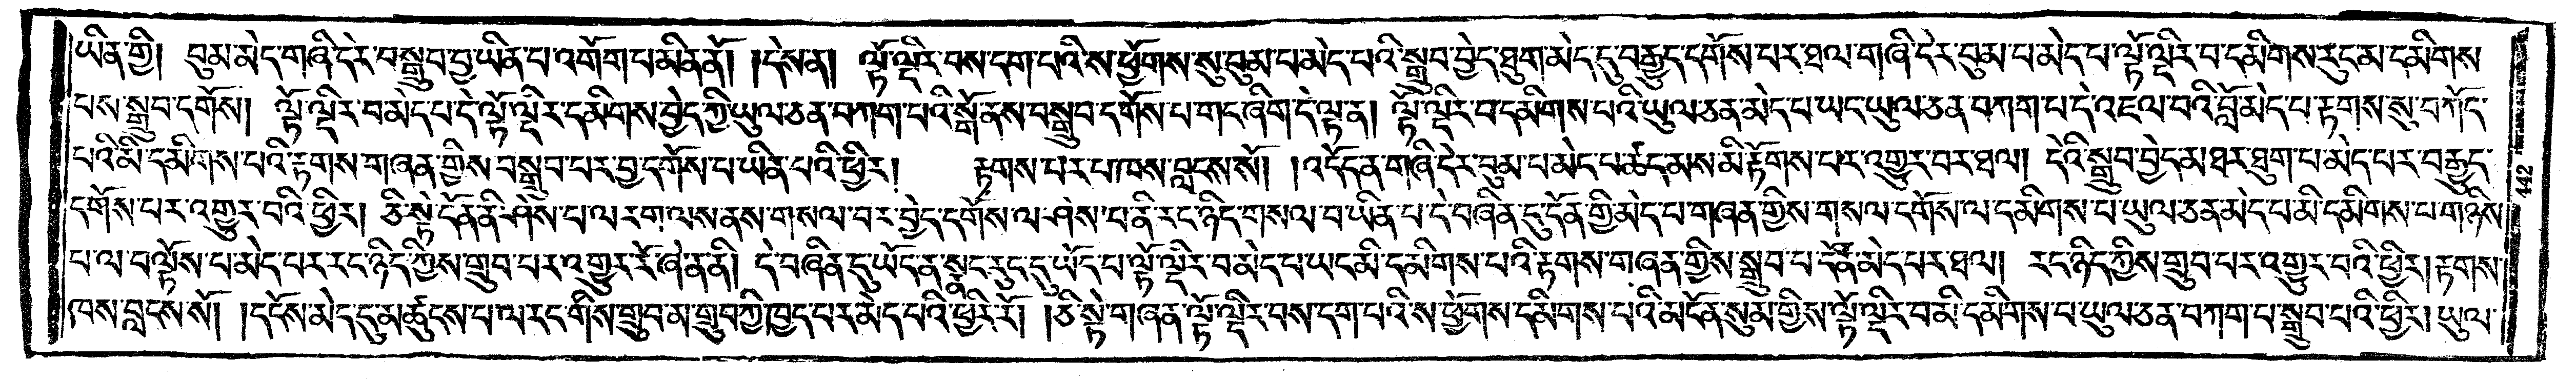ཡིན་གྱི། བུམ་མེད་གཞི་དེར་བསྒྲུབ་བྱ་ཡིན་པ་འགོག་པ་མིན་ནོ། །དེས་ན། ལྟོ་ལྡིར་བས་དག་པའི་ས་ཕྱོགས་སུ་བུམ་པ་མེད་པའི་སྒྲུབ་བྱེད་ཐུག་མེད་དུ་བརྒྱུད་དགོས་པར་ཐལ་གཞི་དེར་བུམ་པ་མེད་པ་ལྟོ་ལྡིར་བ་དམིགས་རུང་མ་དམིགས་
པས་སྒྲུབ་དགོས། ལྟོ་ལྡིར་བ་མེད་པ་དེ་ལྟོ་ལྡིར་དམིགས་བྱེད་ཀྱི་ཡུལ་ཅན་བཀག་པའི་སྒོ་ནས་བསྒྲུབ་དགོས་པ་གང་ཞིག་དེ་ལྟ་ན། ལྟོ་ལྡིར་བ་དམིགས་པའི་ཡུལ་ཅན་མེད་པ་ཡང་ཡུལ་ཅན་བཀག་པ་དེ་འཇལ་བའི་བློ་མེད་པ་རྟགས་སུ་བཀོད་
པའི་མི་དམིགས་པའི་རྟགས་གཞན་གྱིས་བསྒྲུབ་པར་བྱ་དགོས་པ་ཡིན་པའི་ཕྱིར། རྟགས་པར་པ་ཁས་བླངས་སོ། །འདོད་ན་གཞི་དེར་བུམ་པ་མེད་པ་ཚད་མས་མི་རྟོགས་པར་འགྱུར་བར་ཐལ། དེའི་སྒྲུབ་བྱེད་མཐར་ཐུག་པ་མེད་པར་བརྒྱུད་
དགོས་པར་འགྱུར་བའི་ཕྱིར། ཅི་སྟེ་དོན་ནི་ཤེས་པ་ལ་རག་ལས་ནས་གསལ་བར་བྱེད་དགོས་ལ་ཤེས་པ་ནི་རང་ཉིད་གསལ་བ་ཡིན་པ་དེ་བཞིན་དུ་དོན་གྱི་མེད་པ་གཞན་གྱིས་གསལ་དགོས་ལ་དམིགས་པ་ཡུལ་ཅན་མེད་པ་མི་དམིགས་པ་གཉིས་
པ་ལ་བལྟོས་པ་མེད་པར་རང་ཉིད་ཀྱིས་གྲུབ་པར་འགྱུར་རོ་ཞེ་ན་ནི། དེ་བཞིན་དུ་ཡོད་ན་སྣང་རུང་དུ་ཡོད་པ་ལྟོ་ལྡིར་བ་མེད་པ་ཡང་མི་དམིགས་པའི་རྟགས་གཞན་གྱིས་སྒྲུབ་པ་དོན་མེད་པར་ཐལ། རང་ཉིད་ཀྱིས་གྲུབ་པར་འགྱུར་བའི་ཕྱིར། རྟགས་
ཁས་བླངས་སོ། །དངོས་མེད་དུ་མཚུངས་པ་ལ་རང་གིས་གྲུབ་མ་གྲུབ་ཀྱི་ཁྱད་པར་མེད་པའི་ཕྱིར་རོ། །ཅི་སྟེ་གཞན་ལྟོ་ལྡིར་བས་དག་པའི་ས་ཕྱོགས་དམིགས་པའི་མངོན་སུམ་གྱིས་ལྟོ་ལྡིར་བ་མི་དམིགས་པ་ཡུལ་ཅན་བཀག་པ་སྒྲུབ་པའི་ཕྱིར། ཡུལ་